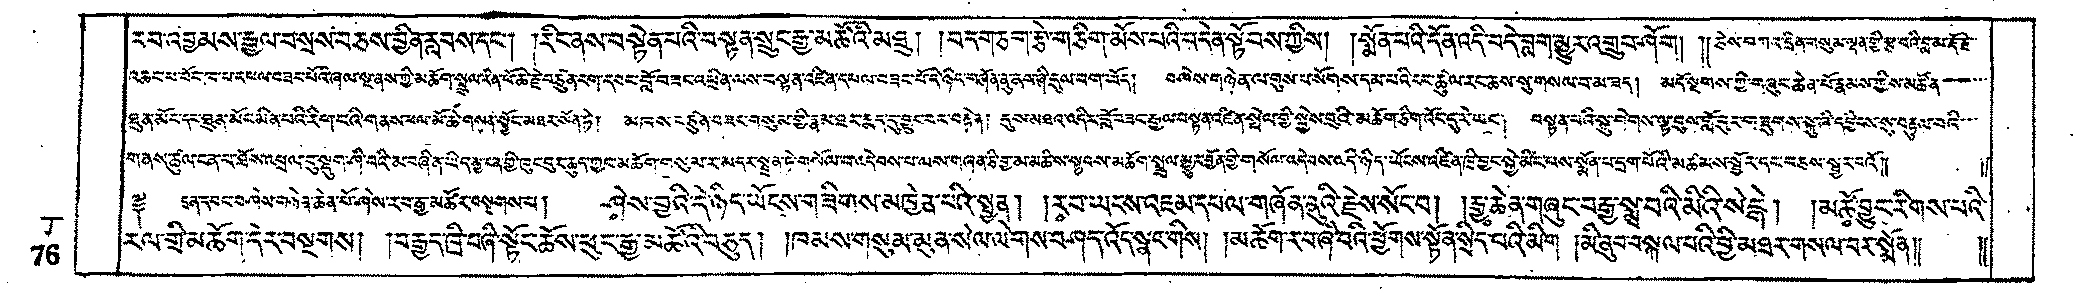རབ་འབྱམས་རྒྱལ་བ་སྲས་བཅས་བྱིན་རླབས་དང་། །རིང་ནས་བསྟེན་པའི་བསྟན་སྲུང་རྒྱ་མཚོའི་མཐུ། བདག་ཅག་རྩེ་གཅིག་མོས་པའི་བདེན་སྟོབས་ཀྱིས། །སྨོན་པའི་དོན་འདི་བདེ་བླག་མྱུར་འགྲུབ་ཤོག། །།ཅེས་བཀའ་དྲིན་གསུམ་ལྡན་གྱི་རྩ་བའི་བླ་མ་རྡོ་རྗེ་་་
འཆང་ཕ་བོང་ཁ་པ་དཔལ་བཟང་པོའི་ཞལ་སྔ་ནས་ཀྱི་མཆོག་སྤྲུལ་རིན་པོ་ཆེ་རྗེ་བཙུན་ངག་དབང་བློ་བཟང་འཕྲིན་ལས་བསྟན་འཛིན་དཔལ་བཟང་པོ་དེ་ཉིད་གཞོན་ནུ་ནས་ཞི་དུལ་བག་ཡོད། བཤེས་གཉེན་ལ་གུས་པ་སོགས་དམ་པའི་ངང་ཚུལ་རང་ཆས་སུ་གསལ་བ་མ་ཟད། མདོ་སྔགས་ཀྱི་གཞུང་ཆེན་པོ་རྣམས་ཀྱིས་མཚོན་་་
ཐུན་མོང་དང་ཐུན་མོང་མིན་པའི་རིག་པའི་གནས་ཕལ་མོ་ཆེ་གསན་སྦྱོང་མཐར་སོན་ཏེ། མཁས་བཙུན་བཟང་གསུམ་གྱི་རྣམ་ཐར་རྨད་དུ་བྱུང་བར་བརྟེན། དུས་མཐའ་འདིར་བློ་བཟང་རྒྱལ་བསྟན་འཛིན་སྤེལ་གྱི་སྐྱེས་བུའི་མཆོག་ཅིག་འོང་དུ་རེ་ཡང་། བསྟན་པའི་སྐུ་གེགས་ལྟ་བུས་གློ་བུར་གཟུགས་སྐུ་ཞི་དབྱིངས་སུ་བརྟུལ་བའི་་་
གནས་ཚུལ་ངན་པ་ཐོས་འཕྲལ་བུ་སྡུག་ཤི་བའི་མ་བཞིན་ཡིད་མྱ་ནན་གྱི་ཁུང་བུར་ཆུད་ཀྱང་མཆོག་གསུམ་ར་མདར་སྦྲན་ཏེ་གསོལ་བ་འདེབས་པ་ལས་གཞན་ཅི་བྱ་མ་མཆིས་སྟབས་མཆོག་སྤྲུལ་མྱུར་བྱོན་གྱི་གསོལ་འདེབས་འདི་ཉིད་ཡོངས་འཛིན་ཁྲི་བྱང་སྐྱེ་མིང་པས་སྨོན་པ་དྲག་པོའི་མཚམས་སྦྱོར་དང་བཅས་སྦྱར་བའོ།། །།
འདྲན་དབང་བཤེས་གཉེན་ཆེན་པོ་ཤེས་རབ་རྒྱ་མཚོར་བསྔགས་པ། ཤེས྾་བྱའི་དེ་ཉིད་ཡོངས་གཟིགས་མཁྱེན་པའི་སྤྱན། །རབ྾་ཡངས་འཇམ་དཔལ་གཞོན་ནུའི་རྗེས་སོང་བ། །རྒྱ྾་ཆེན་གཞུང་བརྒྱ་སྨྲ་བའི་མིའི་སེངྒེ། །མཚོ྾་བྱུང་རིགས་པའི་
རལ་གྲི་མཆོག་དེར་བསྔགས། །བརྒྱད་ཁྲི་བཞི་སྟོང་ཆོས་ཕུང་རྒྱ་མཚོའི་བཅུད། །ཁམས་གསུམ་མུན་སེལ་ལེགས་བཤད་འོད་སྣང་གིས། །མཆོག་རབ་ཞི་བའི་ཕྱོགས་སྟོན་སྲིད་པའི་མིག །མི་ནུབ་བསྐལ་པའི་ཕྱི་མཐར་གསལ་བར་སྨོན།། །།